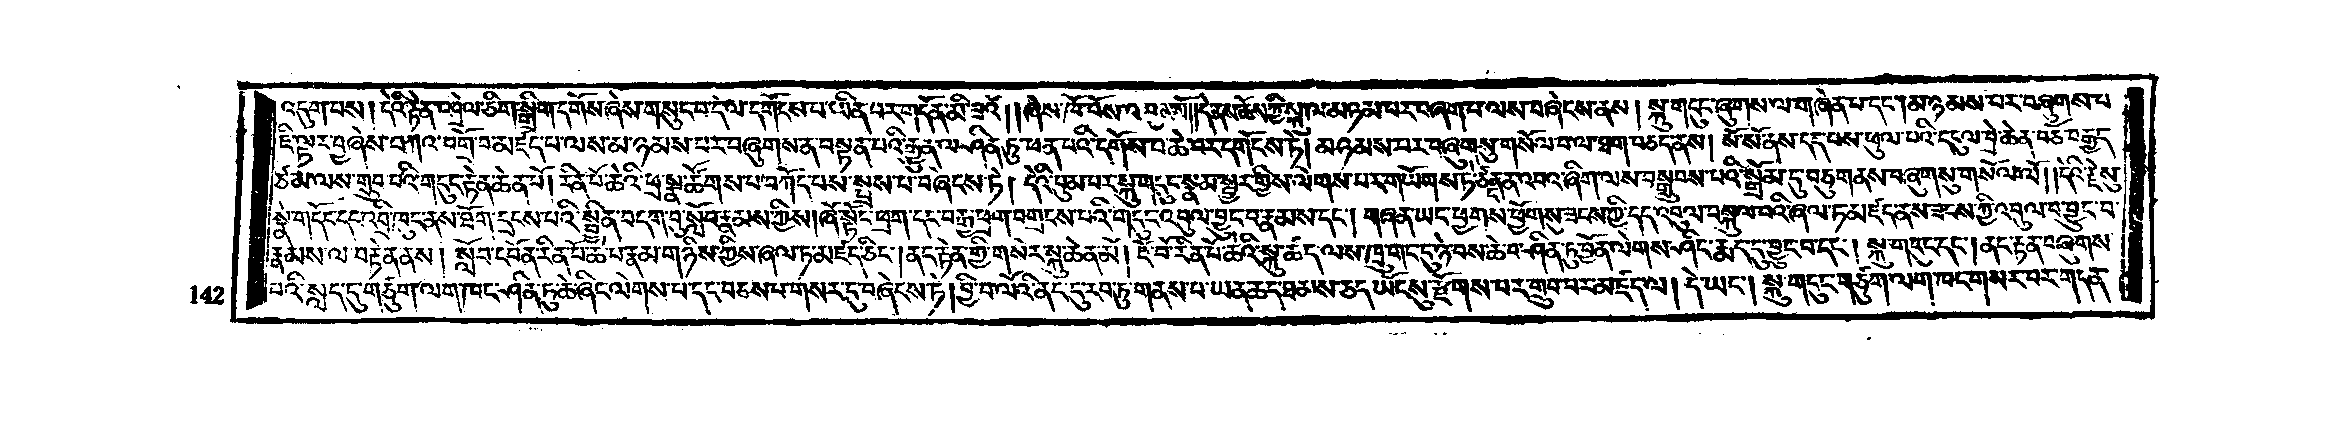འདུག་པས། དེའི་རྟེན་འབྲེལ་ཅིག་སྒྲིག་དགོས་ཞེས་གསུང་བ་དེ་ལ་དགོངས་པ་ཡིན་པར་གདོན་མི་ཟའོ། །ཞེས་ཁོ་བོས་འབུཌ་?་སོ། །དེ་ནས་ཆོས་ཀྱི་སྐུ་ལ་མཉམ་པར་བཞག་པ་ལས་བཞེངས་ནས། སྐུ་གདུང་ཞུགས་ལ་གཞེན་པ་དང་། མ་ཉམས་པར་བཞུགས་པ་
ཇི་ལྟར་བྱ་ཞེས་བཀའ་བགྲོ་བ་མཛད་པ་ལས་མ་ཉམས་པར་བཞུགས་ན་བསྟན་པའི་རྒྱུན་ལ་ཤིན་ཏུ་ཕན་པའི་དགོས་པ་ཆེ་བར་དགོངས་ཏེ། མཉམས་པར་བཞུགས་སུ་གསོལ་བ་ལ་ཐག་བཅད་ནས། སོ་སོ་ནས་དད་པས་ཕུལ་པའི་དངུལ་བྲེ་ཆེན་བཅོ་བརྒྱད་
ཙམ་ལས་གྲུབ་པའི་གདུང་རྟེན་ཆེན་པོ། རིན་པོ་ཆེའི་ཕྲ་སྣ་ཚོགས་པ་བཀོད་པས་སྤྲས་པ་བཞེངས་ཏེ། དེའི་བུམ་པར་སྐུ་གདུང་སྣམ་སྦྱར་གྱིས་ལེགས་པར་གཡོགས་ཏེ་ཙནྡན་འབའ་ཞིག་ལས་བསྒྲུབས་པའི་སྒྲོམ་དུ་བཅུག་ནས་བཞུགས་སུ་གསོལ་ལོ། །དེའི་རྗེས་སུ་
སྣེ་གདོང་དང་འབྲི་ཁུང་ནས་ཐོག་དྲངས་པའི་སྦྱིན་བདག་བུ་སློབ་རྣམས་ཀྱིས། ཞོ་སྟོང་ཕྲག་དང་བརྒྱ་ཕྲག་བགྲངས་པའི་གདུང་འབུལ་བྱུང་བ་རྣམས་དང་། གཞན་ཡང་ཕྱགས་ཕྱོགས་སུ་ཟངས་ཀྱི་དད་འབུལ་བསྐུལ་བའི་ཞལ་ཏ་མཛད་ནས་ཟངས་ཀྱི་འབུལ་བ་བྱུང་བ་
རྣམས་ལ་བརྟེན་ནས། སློབ་དཔོན་རིན་པོ་ཆེ་པ་རྣམ་གཉིས་ཀྱིས་ཞལ་ཏ་མཛད་ཅིང་། ནང་རྟེན་གྱི་གསེར་སྐུ་ཆེན་མོ། ཇོ་བོ་རིན་པོ་ཆེའི་སྐུ་ཚད་ལས་ཁྲུ་གང་དུ་ཉེ་བས་ཆེ་བ་ཤིན་ཏུ་བྱོན་ལེགས་ཤིང་རྨད་དུ་བྱུང་བ་དང་། སྐུ་གདུང་དང་། ནང་རྟན་བཞུགས་
པའི་སླད་དུ་གཙུག་ལག་ཁང་ཤིན་ཏུ་ཆེ་ཞིང་ལེགས་པ་དང་བཅས་པ་གསར་དུ་བཞེངས་ཏེ། བྱི་བ་ལོའི་ནང་དུ་རབ་ཏུ་གནས་པ་ཡན་ཆད་ཐམས་ཅད་ཡོངས་སུ་རྫོགས་པར་གྲུབ་པར་མཛད་ལ། དེ་ཡང་། སྐུ་གདུང་གཙུག་ལག་ཁང་གསར་བར་གདན་